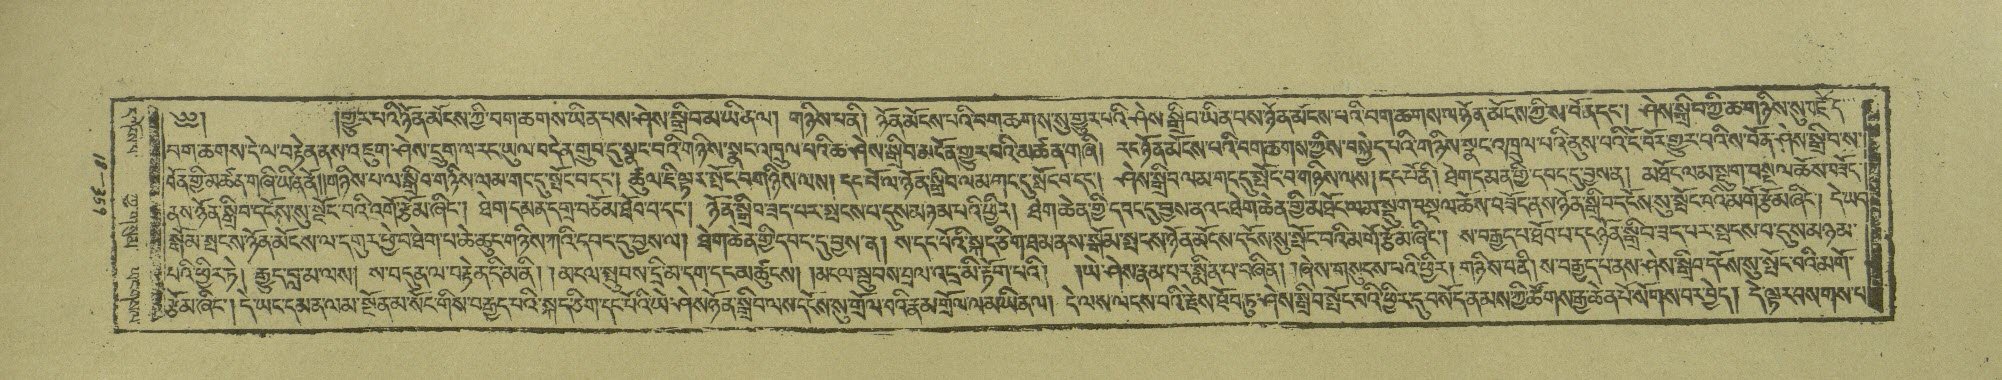༄༅། །གྱུར་པའི་ཉོན་མོངས་ཀྱི་བག་ཆགས་ཡིན་པས་ཤེས་སྒྲིབ་མ་ཡིན་ལ། གཉིས་པ་ནི། ཉོན་མོངས་པའི་བག་ཆགས་སུ་གྱུར་པའི་ཤེས་སྒྲིབ་ཡིན་པས་ཉོན་མོངས་པའི་བག་ཆགས་ལ་ཉོན་མོངས་ཀྱི་ས་བོན་དང་། ཤེས་སྒྲིབ་ཀྱི་ཆ་གཉིས་སུ་ཡོད།
བག་ཆགས་དེ་ལ་བརྟེན་ནས་འཇུག་ཤེས་དྲུག་ལ་རང་ཡུལ་བདེན་གྲུབ་དུ་སྣང་བའི་གཉིས་སྣང་འཁྲུལ་པའི་ཆ་ཤེས་སྒྲིབ་མངོན་གྱུར་པའི་མཚན་གཞི། རང་ཉོན་མོངས་པའི་བག་ཆགས་ཀྱིས་བསྐྱེད་པའི་གཉིས་སྣང་འཁྲུལ་པའི་ནུས་པའི་ངོ་བོར་གྱུར་པའི་ས་བོན་ཤེས་སྒྲིབ་ས་
བོན་གྱི་མཚན་གཞི་ཡིན་ནོ། །གཉིས་པ་ལ་སྒྲིབ་གཉིས་ལམ་གང་དུ་སྤོང་བ་དང་། ཚུལ་ཇི་ལྟར་སྤོང་བ་གཉིས་ལས། དང་པོ་ལ་ཉོན་སྒྲིབ་ལམ་གང་དུ་སྤོང་བ་དང་། ཤེས་སྒྲིབ་ལམ་གང་དུ་སྤོང་བ་གཉིས་ལས། དང་པོ་ནི། ཐེག་དམན་གྱི་དབང་དུ་བྱས་ན། མཐོང་ལམ་སྡུག་བསྔལ་ཆོས་བཟོད་
ནས་ཉོན་སྒྲིབ་དངོས་སུ་སྤོང་བའི་འགོ་རྩོམ་ཞིང་། ཐེག་དམན་དགྲ་བཅོམ་ཐོབ་པ་དང་། ཉོན་སྒྲིབ་ཟད་པར་སྤངས་པ་དུས་མཉམ་པའི་ཕྱིར། ཐེག་ཆེན་གྱི་དབང་དུ་བྱས་ནའང་ཐེག་ཆེན་གྱི་མཐོང་ལམ་སྡུག་བསྔལ་ཆོས་བཟོད་ནས་ཉོན་སྒྲིབ་དངོས་སུ་སྤོང་བའི་མགོ་རྩོམ་ཞིང་། དེ་ཡང་
སྒོམ་སྤངས་ཉོན་མོངས་ལ་དགུར་ཕྱེ་བ་ཐེག་པ་ཆེན་ཆུང་གཉིས་ཀའི་དབང་དུ་བྱས་ལ། ཐེག་ཆེན་གྱི་དབང་དུ་བྱས་ན། ས་དང་པོའི་སྐད་ཅིག་ཐ་མ་ནས་སྒོམ་སྤངས་ཉོན་མོངས་དངོས་སུ་སྤོང་བའི་མགོ་རྩོམ་ཞིང་། ས་བརྒྱད་པ་ཐོབ་པ་དང་ཉོན་སྒྲིབ་ཟད་པར་སྤངས་པ་དུས་མཉམ་
པའི་ཕྱིར་ཏེ། རྒྱུད་བླ་མ་ལས། ས་བདུན་ལ་བརྟེན་དྲི་མ་ནི། །མངལ་སྦུབས་དྲི་མ་དག་དང་མཚུངས། །མངལ་སྤུབས་བྲལ་འདྲ་མི་རྟོག་པའི། །ཡེ་ཤེས་རྣམ་པར་སྨིན་པ་བཞིན། །ཞེས་གསུངས་པའི་ཕྱིར། གཉིས་པ་ནི། ས་བརྒྱད་པ་ནས་ཤེས་སྒྲིབ་དངོས་སུ་སྤོང་བའི་མགོ་
རྩོམ་ཞིང་། དེ་ཡང་དམན་ལམ་སྔོན་མ་སོང་གིས་བརྒྱད་པའི་སྐད་ཅིག་དང་པོའི་ཡེ་ཤེས་ཉོན་སྒྲིབ་ལས་དངོས་སུ་གྲོལ་བའི་རྣམ་གྲོལ་ལམ་ཡིན་ལ། དེ་ལས་ལངས་པའི་རྗེས་ཐོབ་ཏུ་ཤེས་སྒྲིབ་སྤོང་བའི་ཕྱིར་དུ་བསོད་ནམས་ཀྱི་ཚོགས་རྒྱ་ཆེན་པོ་སོགས་པར་བྱེད། དེ་ལྟར་བསགས་པ་